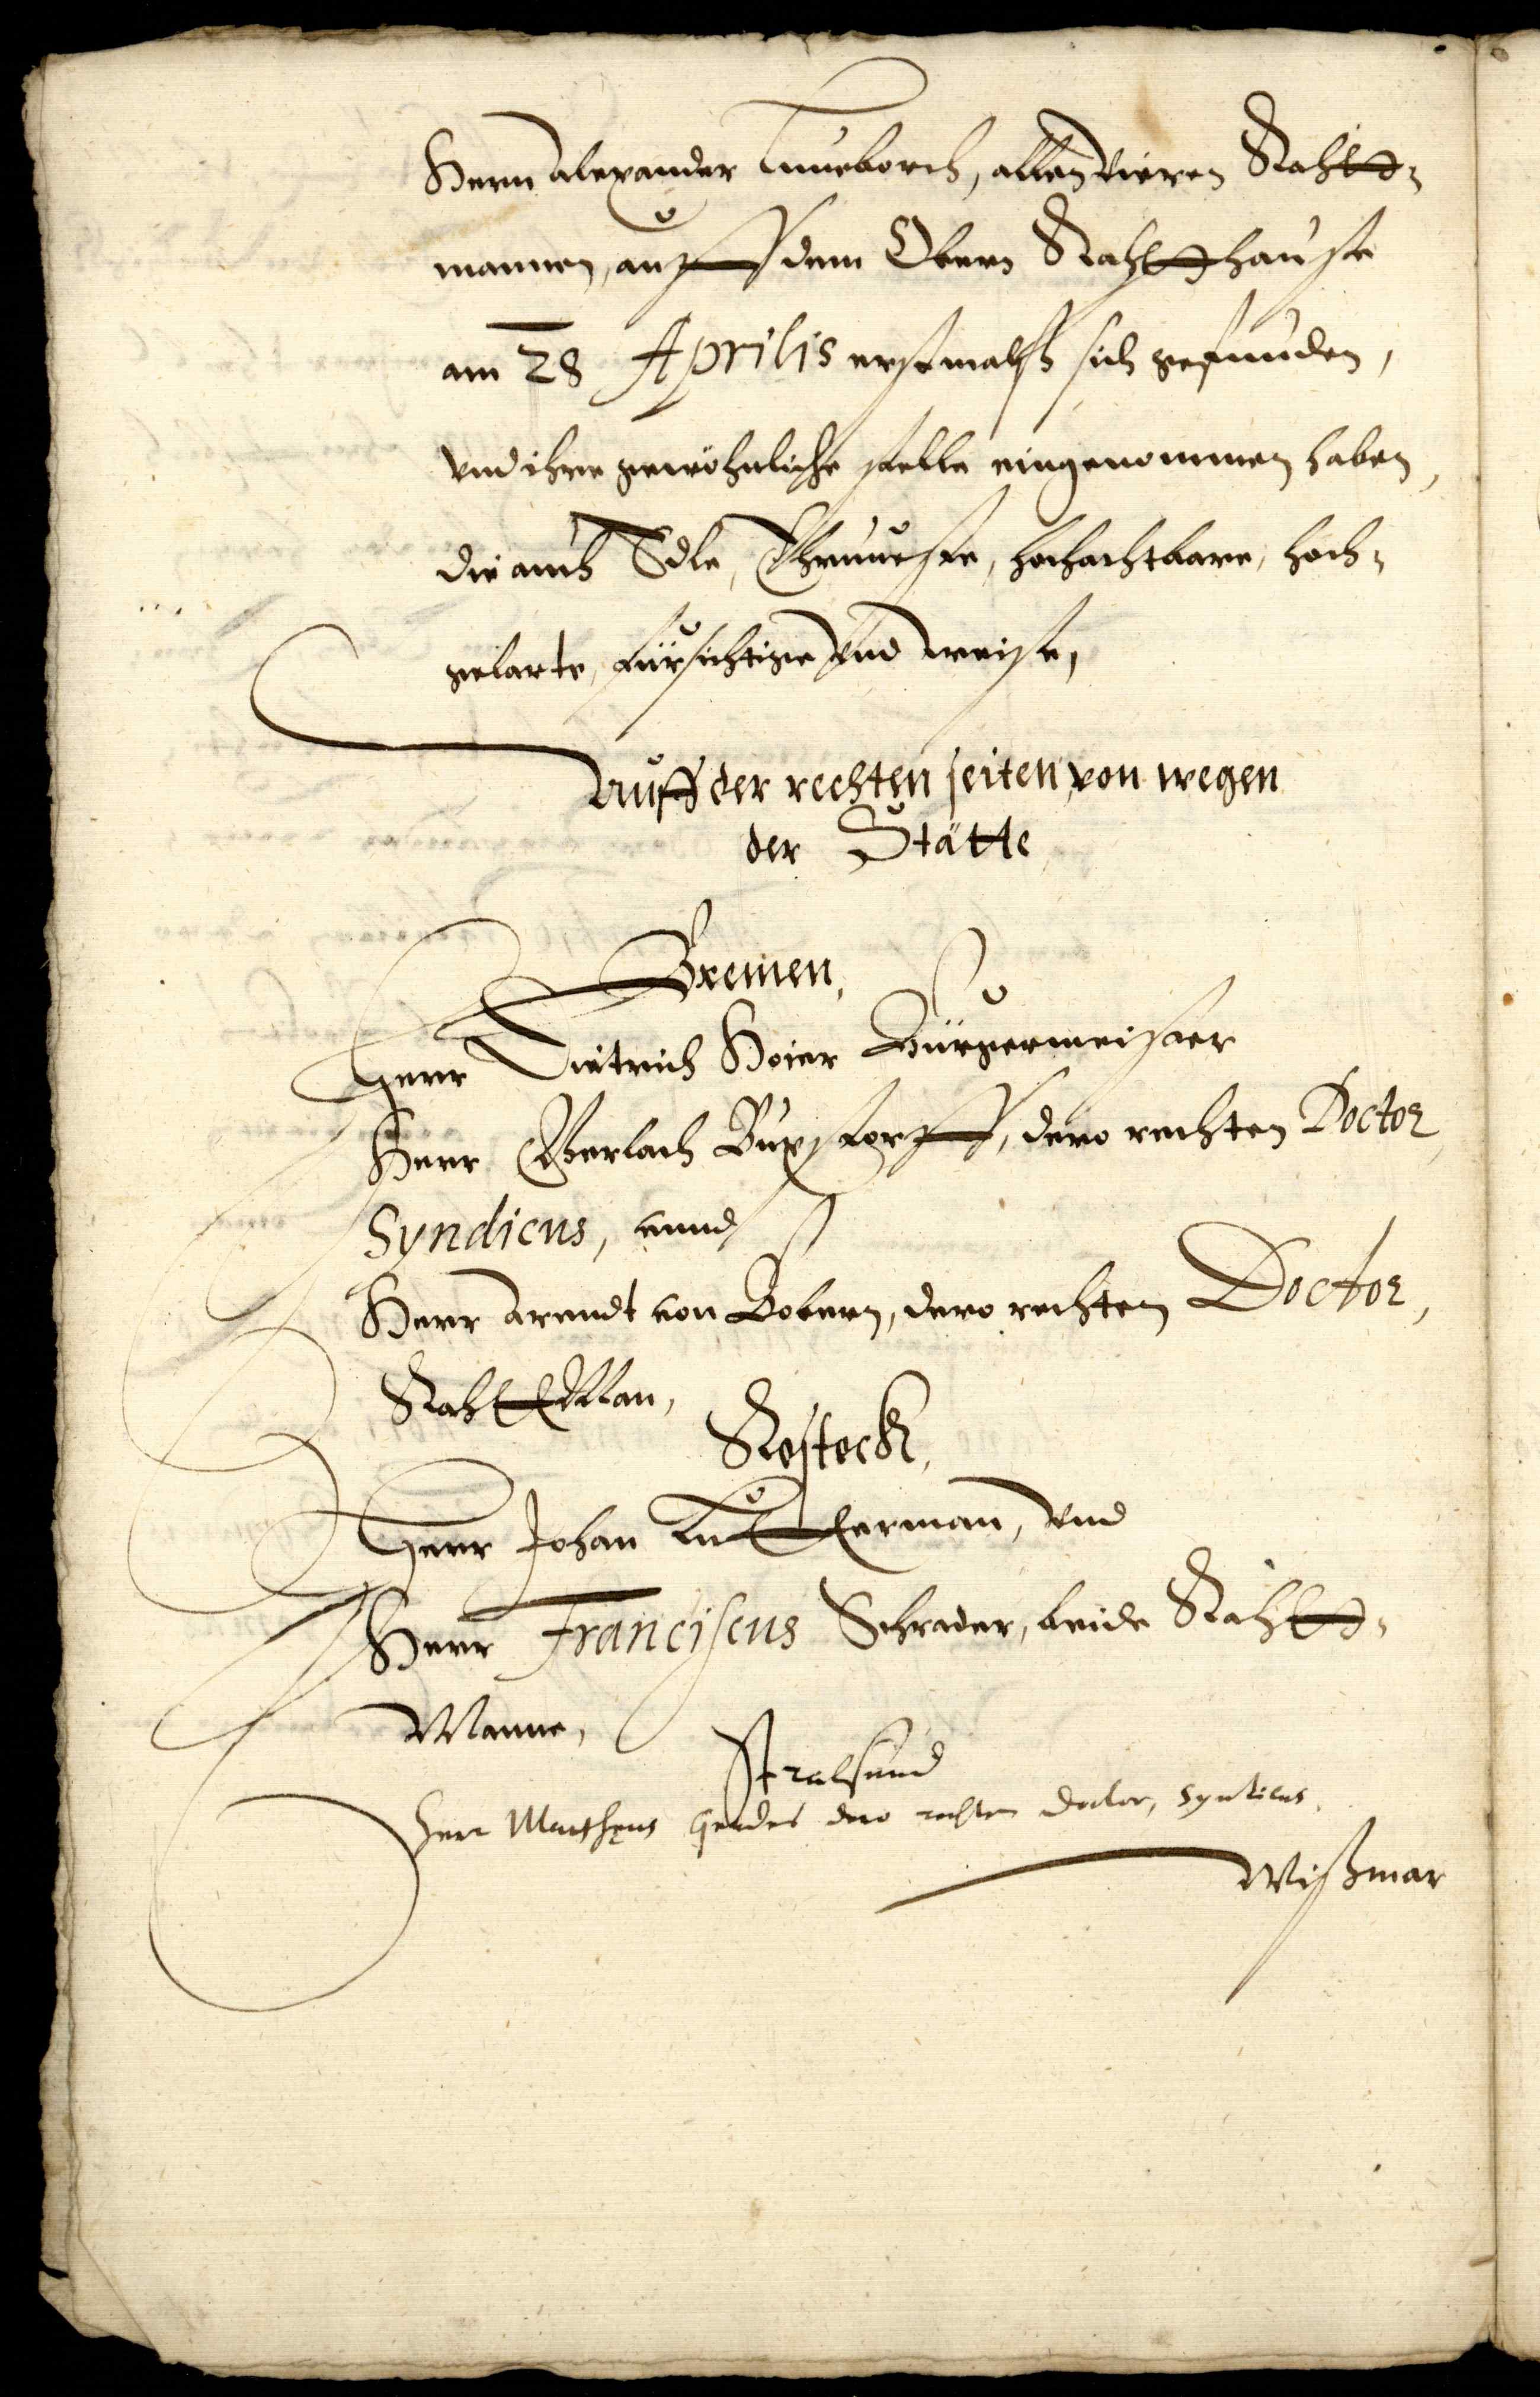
hern Alexander Luneborch, allen vieren Rahtt¬
mannen, auff dem Obern Rahtthause
am 28 Aprilis erstmalß sich gefunden,
vnd ihre gewöhnliche stelle eingenommen haben,
die auch Edle, Ehrenueste, hochachtbare, hoch¬
gelarte, fürsichtige Vnd Weise,
Auf der rechten seiten von wegen
der Stätte
Bremen
Herr Dietrich Hoier Bürgermeister
Herr Gerlach Buxstorff, dero rechten Doctor
Syndicus, vnnd
Herr Arnndt von Bobern, dero rechten Doctor,
RahttMan,
Rostock,
Herr Iohan Lutterman , vnd
Herr Franciscus Schrader, beide Rahtt¬
Manne,
Stralsund
Herr Mattheus Gerdes dero rechten Doctor, Syndicus,
Wißmar
